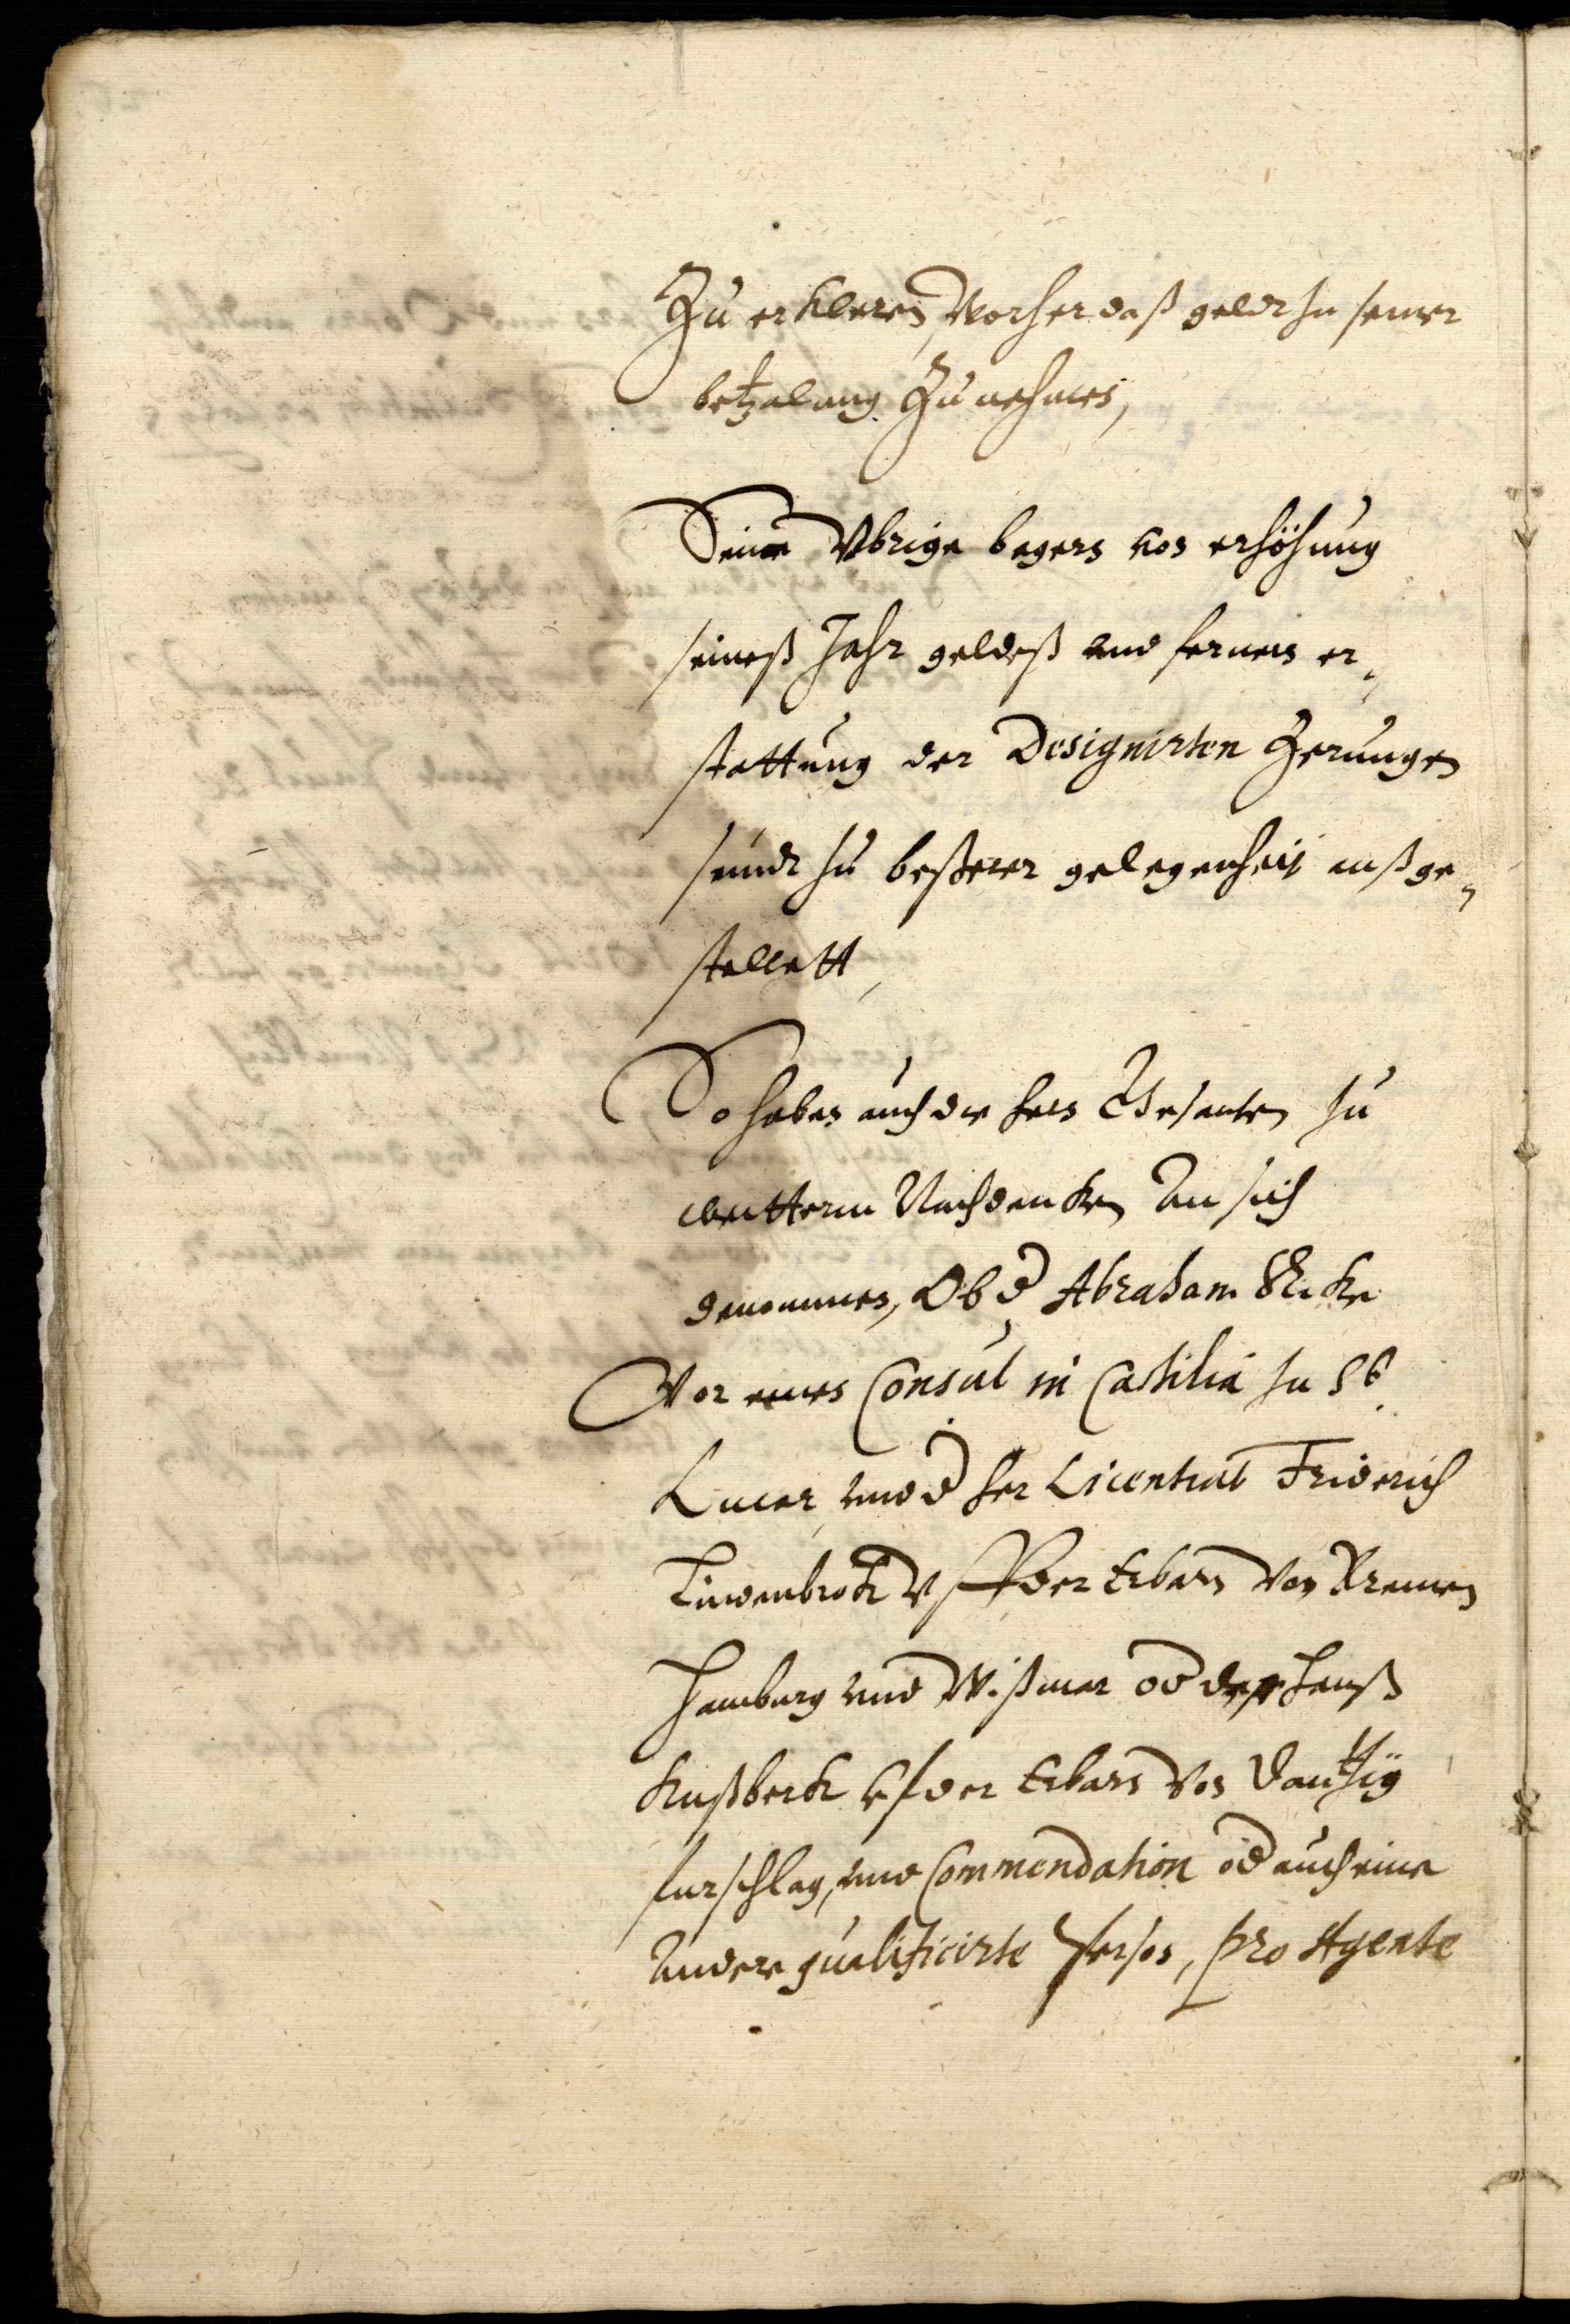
zu erkleren vorher daß geldt zu seiner
betzalung zu nehmen,
Seine Vbrige begeren von erhöhung
seineß Jahr geldeß vnd ferner er¬
stattung der Designirten Zerungen
sindt zu beßeren gelegenheit ausge¬
stellet,
So haben auch die hern Gesanten zu
????tterm Nachdenken An sich
genommen, Ob der Abraham Rike
von einen Consul in Castilia zu ??
Lucer vnd der her Licentiat Friedrich
Lindenbrok vff der Erbarn von ?????
hamburg vnd Wißmar der den hanß
Hußbrek vf den Erbarn von Dantzig
furschlag, vnd Commendation oder auch eine
Andere qualificirte Person, pro Agente
